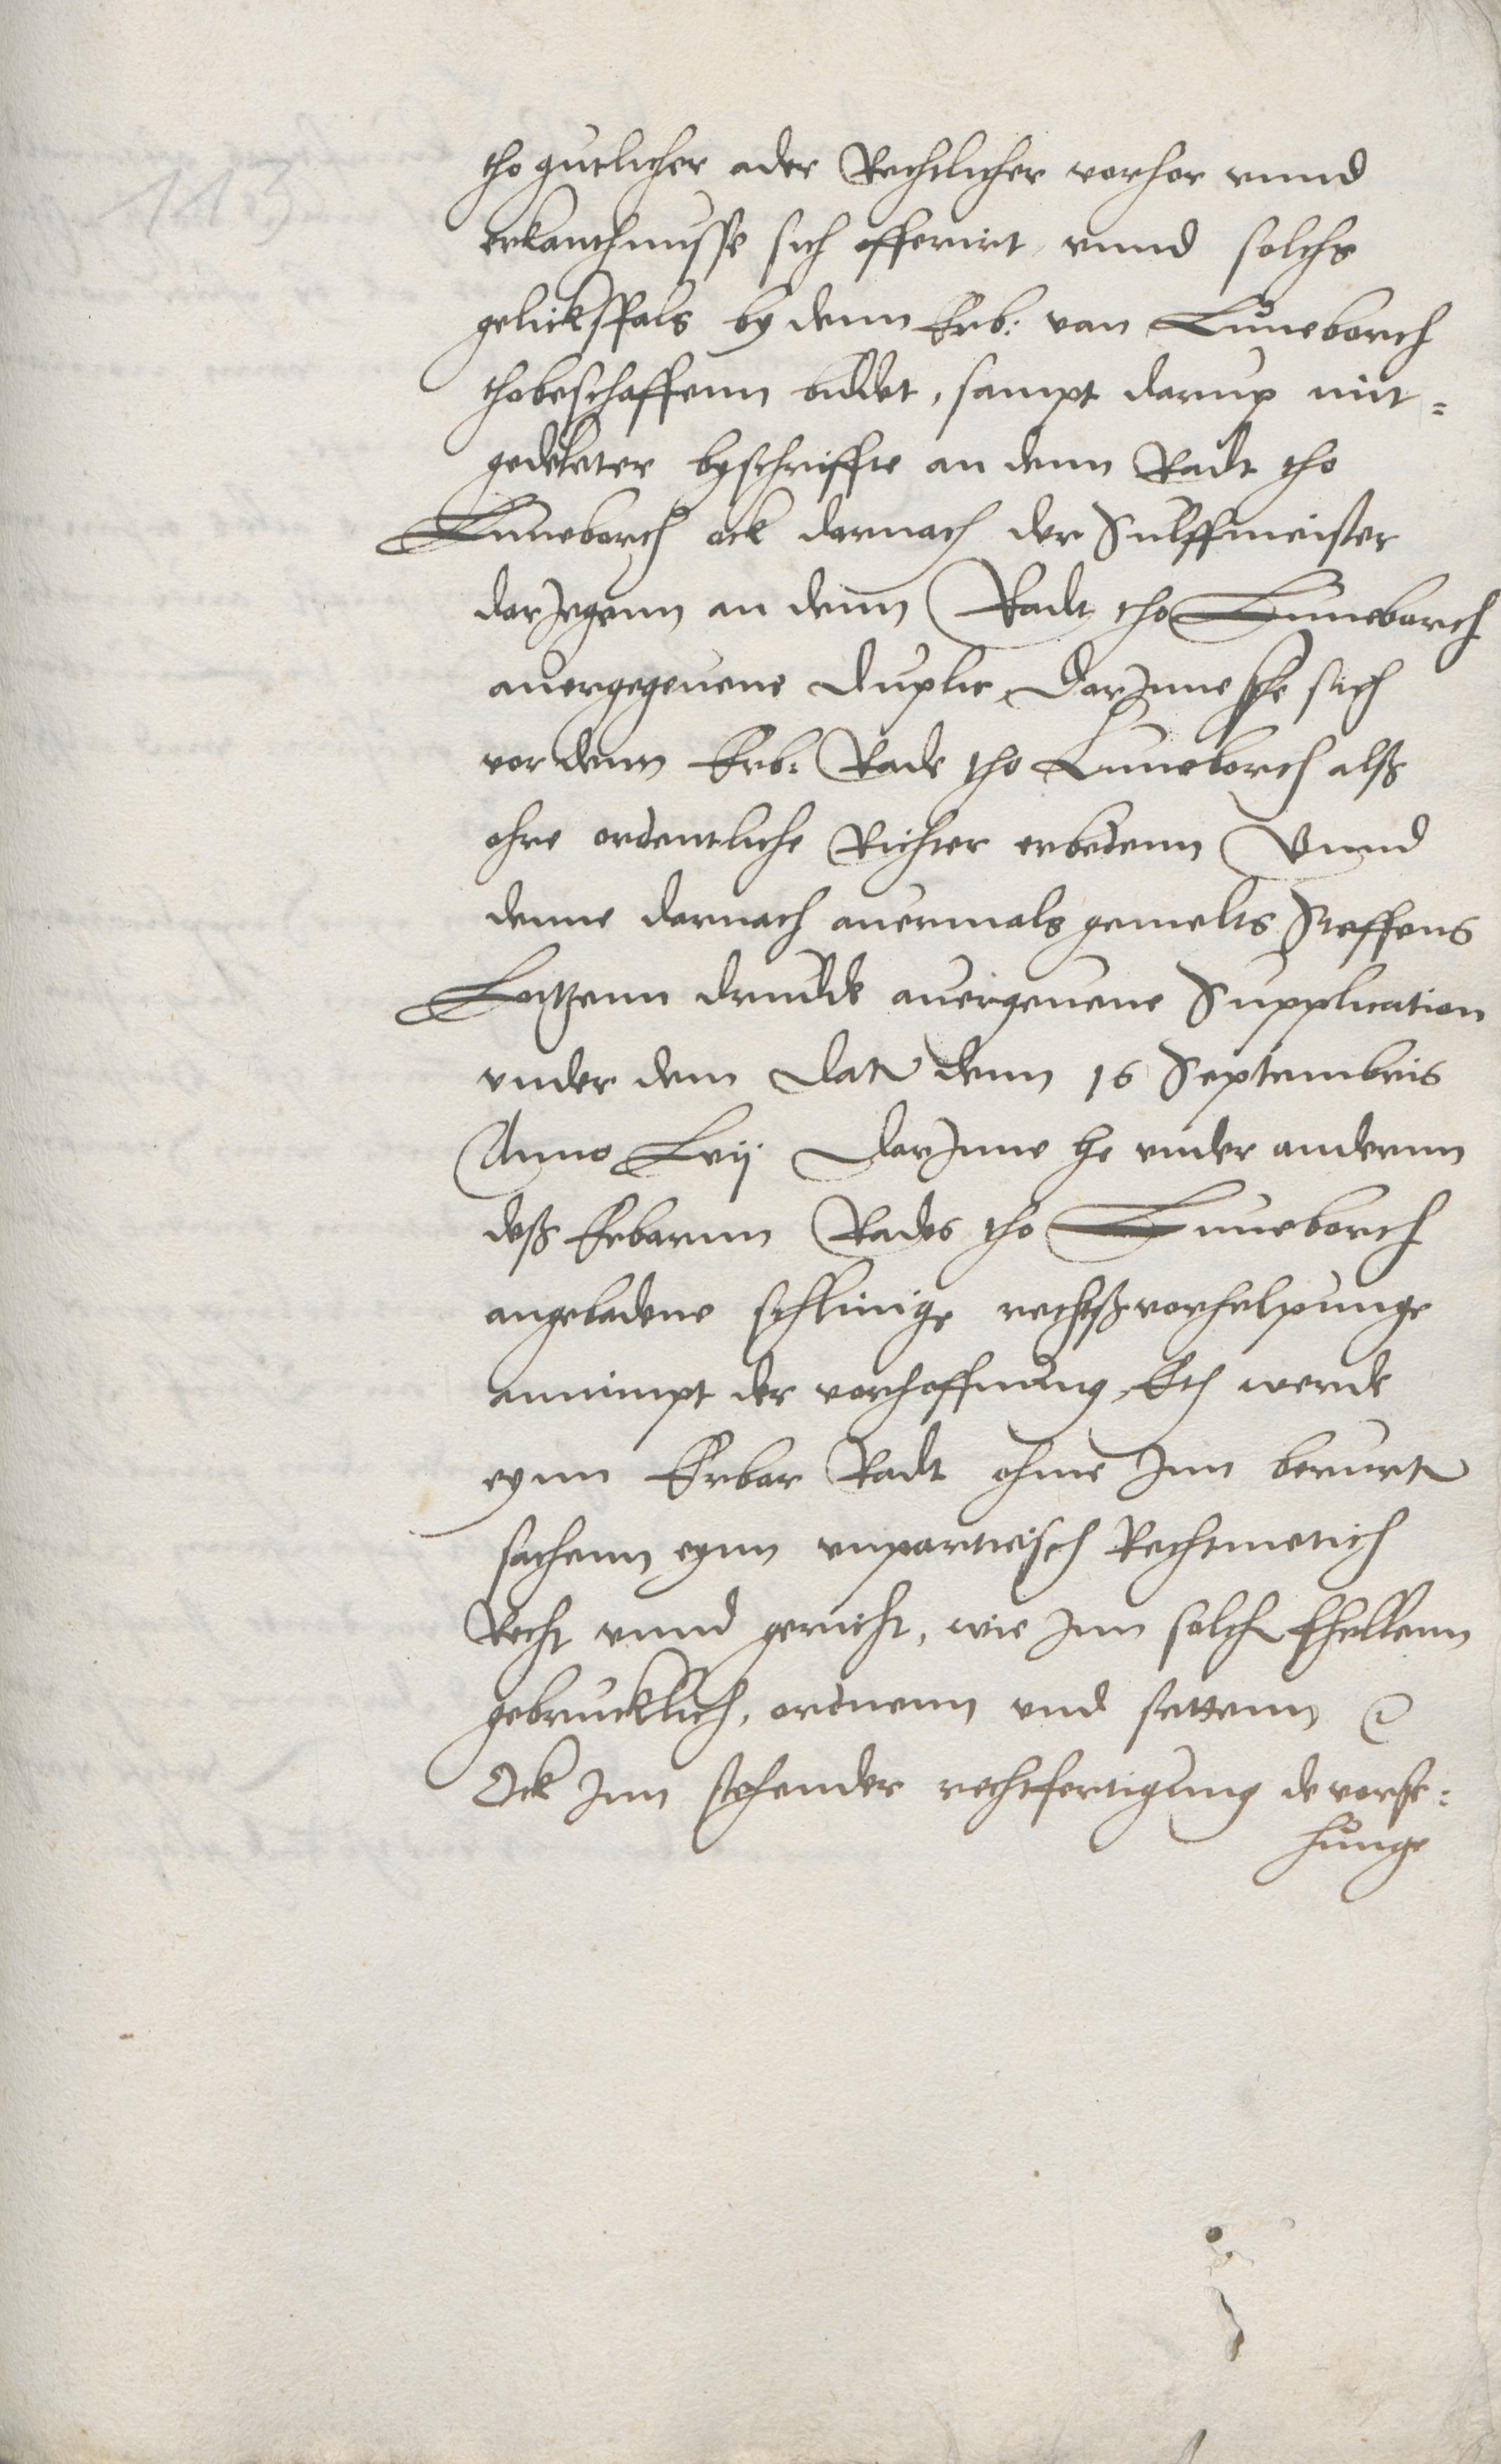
tho gutlicher ader Rechtlicher vorhor vnnd
erkanthnusse sich offerirt, vnnd solchs
gelicksfals by denn Erb: van Luneborch
thobeschaffenn biddet, sampt darup mit¬
gedeleter byschriffte an denn Radt tho
Luneborch ock darnach der Sulffmeister
darjegenn an denn Radt tho Luneborch
auergegeuene Duplic Darjnne she sich
vor denn Erb: Rade tho Luneborch alß
ohre ordentliche Richter erbedenn Vnnd
denne darnach auermals gemelts Steffens
Loitzenn drudde auergeuene Supplication
vnder dem Datum denn 16 Septembris
Anno Lvij Darjnne He vnder andernn
deß Erbarnn Rades tho Luneborch
angebadene schlinige rechtßvorhelpunge
annimpt der vorhoffnung, Eth werde
eynn Erbar Radt ohme jnn berurten
sachenn eynn vnpartiesch Rechtmetich
Recht vnnd gericht, wie jnn solchen fhellenn
gebrucklich, ordnenn vnd settenn etc.
Ock jnn stehender rechtfertigung de vorse¬
hunge
